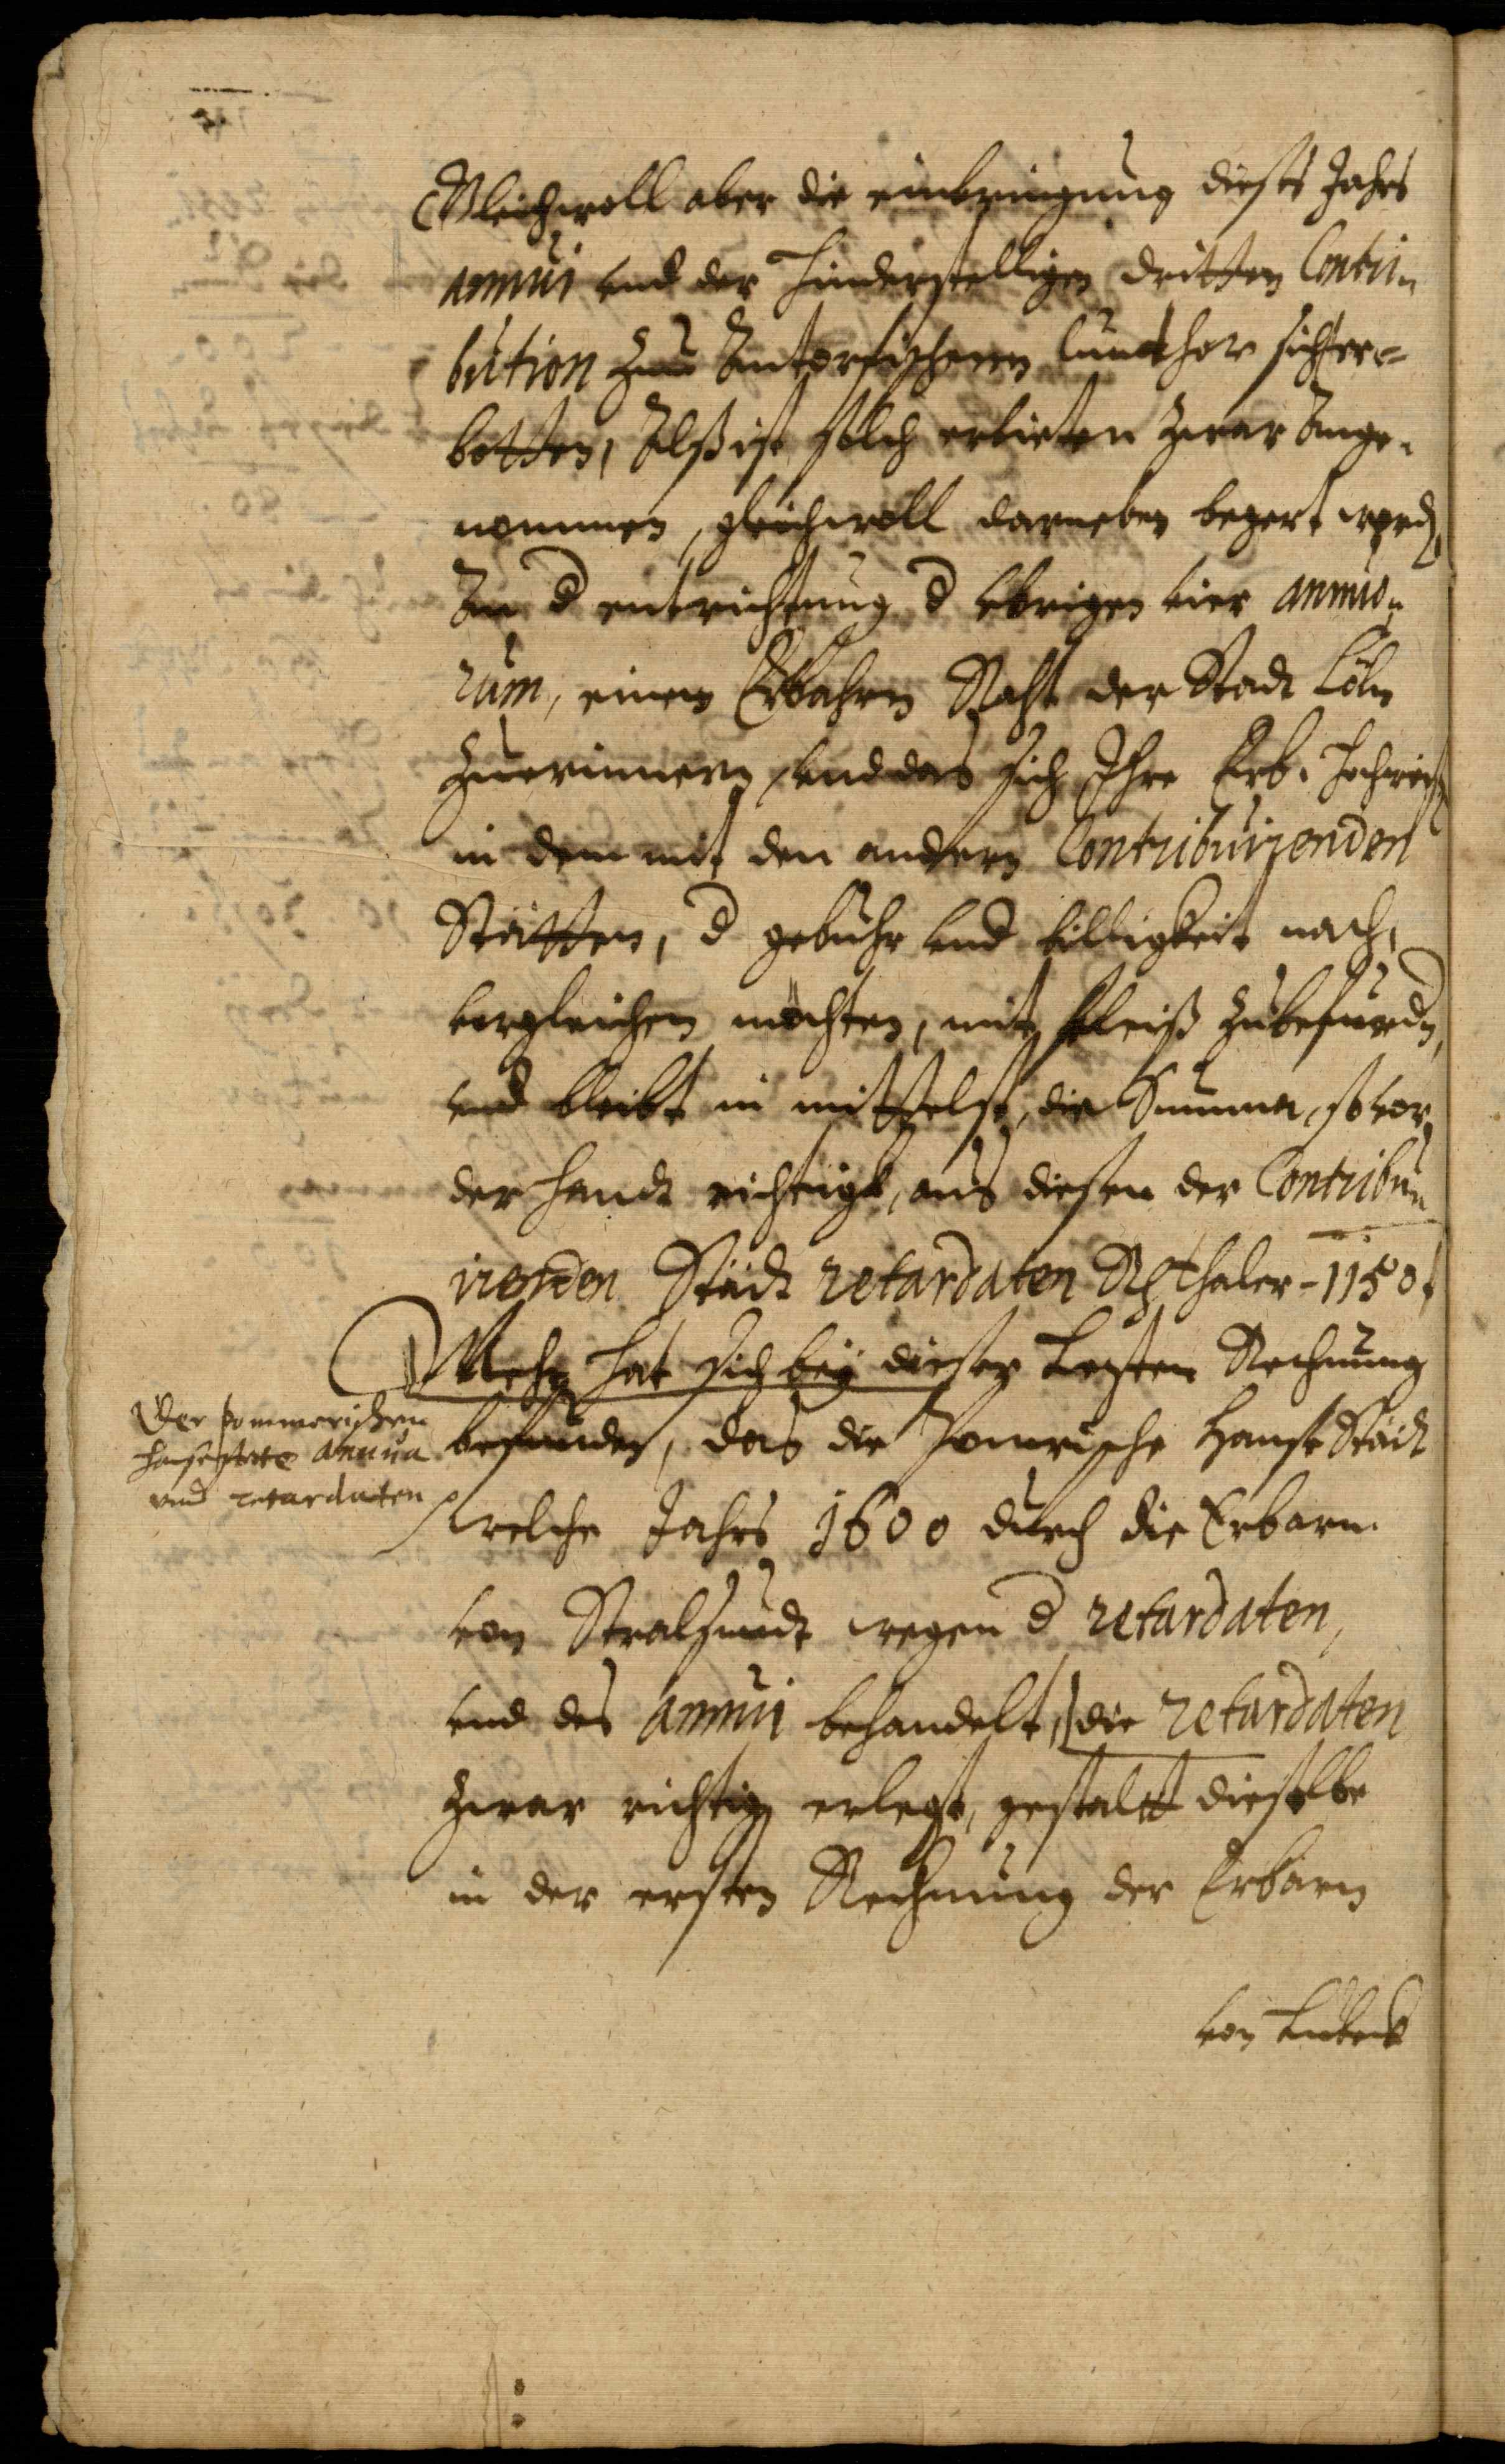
Gleichwohl aber die einbringung dieses Jahrs
annui vnd der hinderstelligen dritten Contri¬
bution zum antorfischenn Cunthor sicher¬
botten, alß ist solch erbieten zwar ange¬
nommen, gleichwoll darneben begert worden,
an der entrichtung der vbrigen vier annuo¬
rum, eines Erbarn Raht der Stadt Cöln
zuerinnern, vnd das sich Ihre Erb. hochweisen
in dem mit den andern Contribuirenden
Stätten, der gebuhr vnd billigkeit nach,
vergleichen möchten, mit fleiß zubefurdern,
vnd bleibt in mittelst, die Summa, so vor
der hand richtigk, aus diesen der Contribu¬
irenden Stätt retardaten Rhthaler - 1150 .
Mehr hat sich beij dieser Lezten Rechnung
befunden, das die Pomrische Hanse Stätt
welche Jahres 1600 durch die Erbarn
von Stralsundt wegen der retardaten
vnd des annui behandelt, die retardaten
zwar richtig erlegt, gestaltt dieselbe
in der ersten Rechnung der Erbarn
von Lubeck
Der pommerischen
hansestette annua
vnd retardaten p
